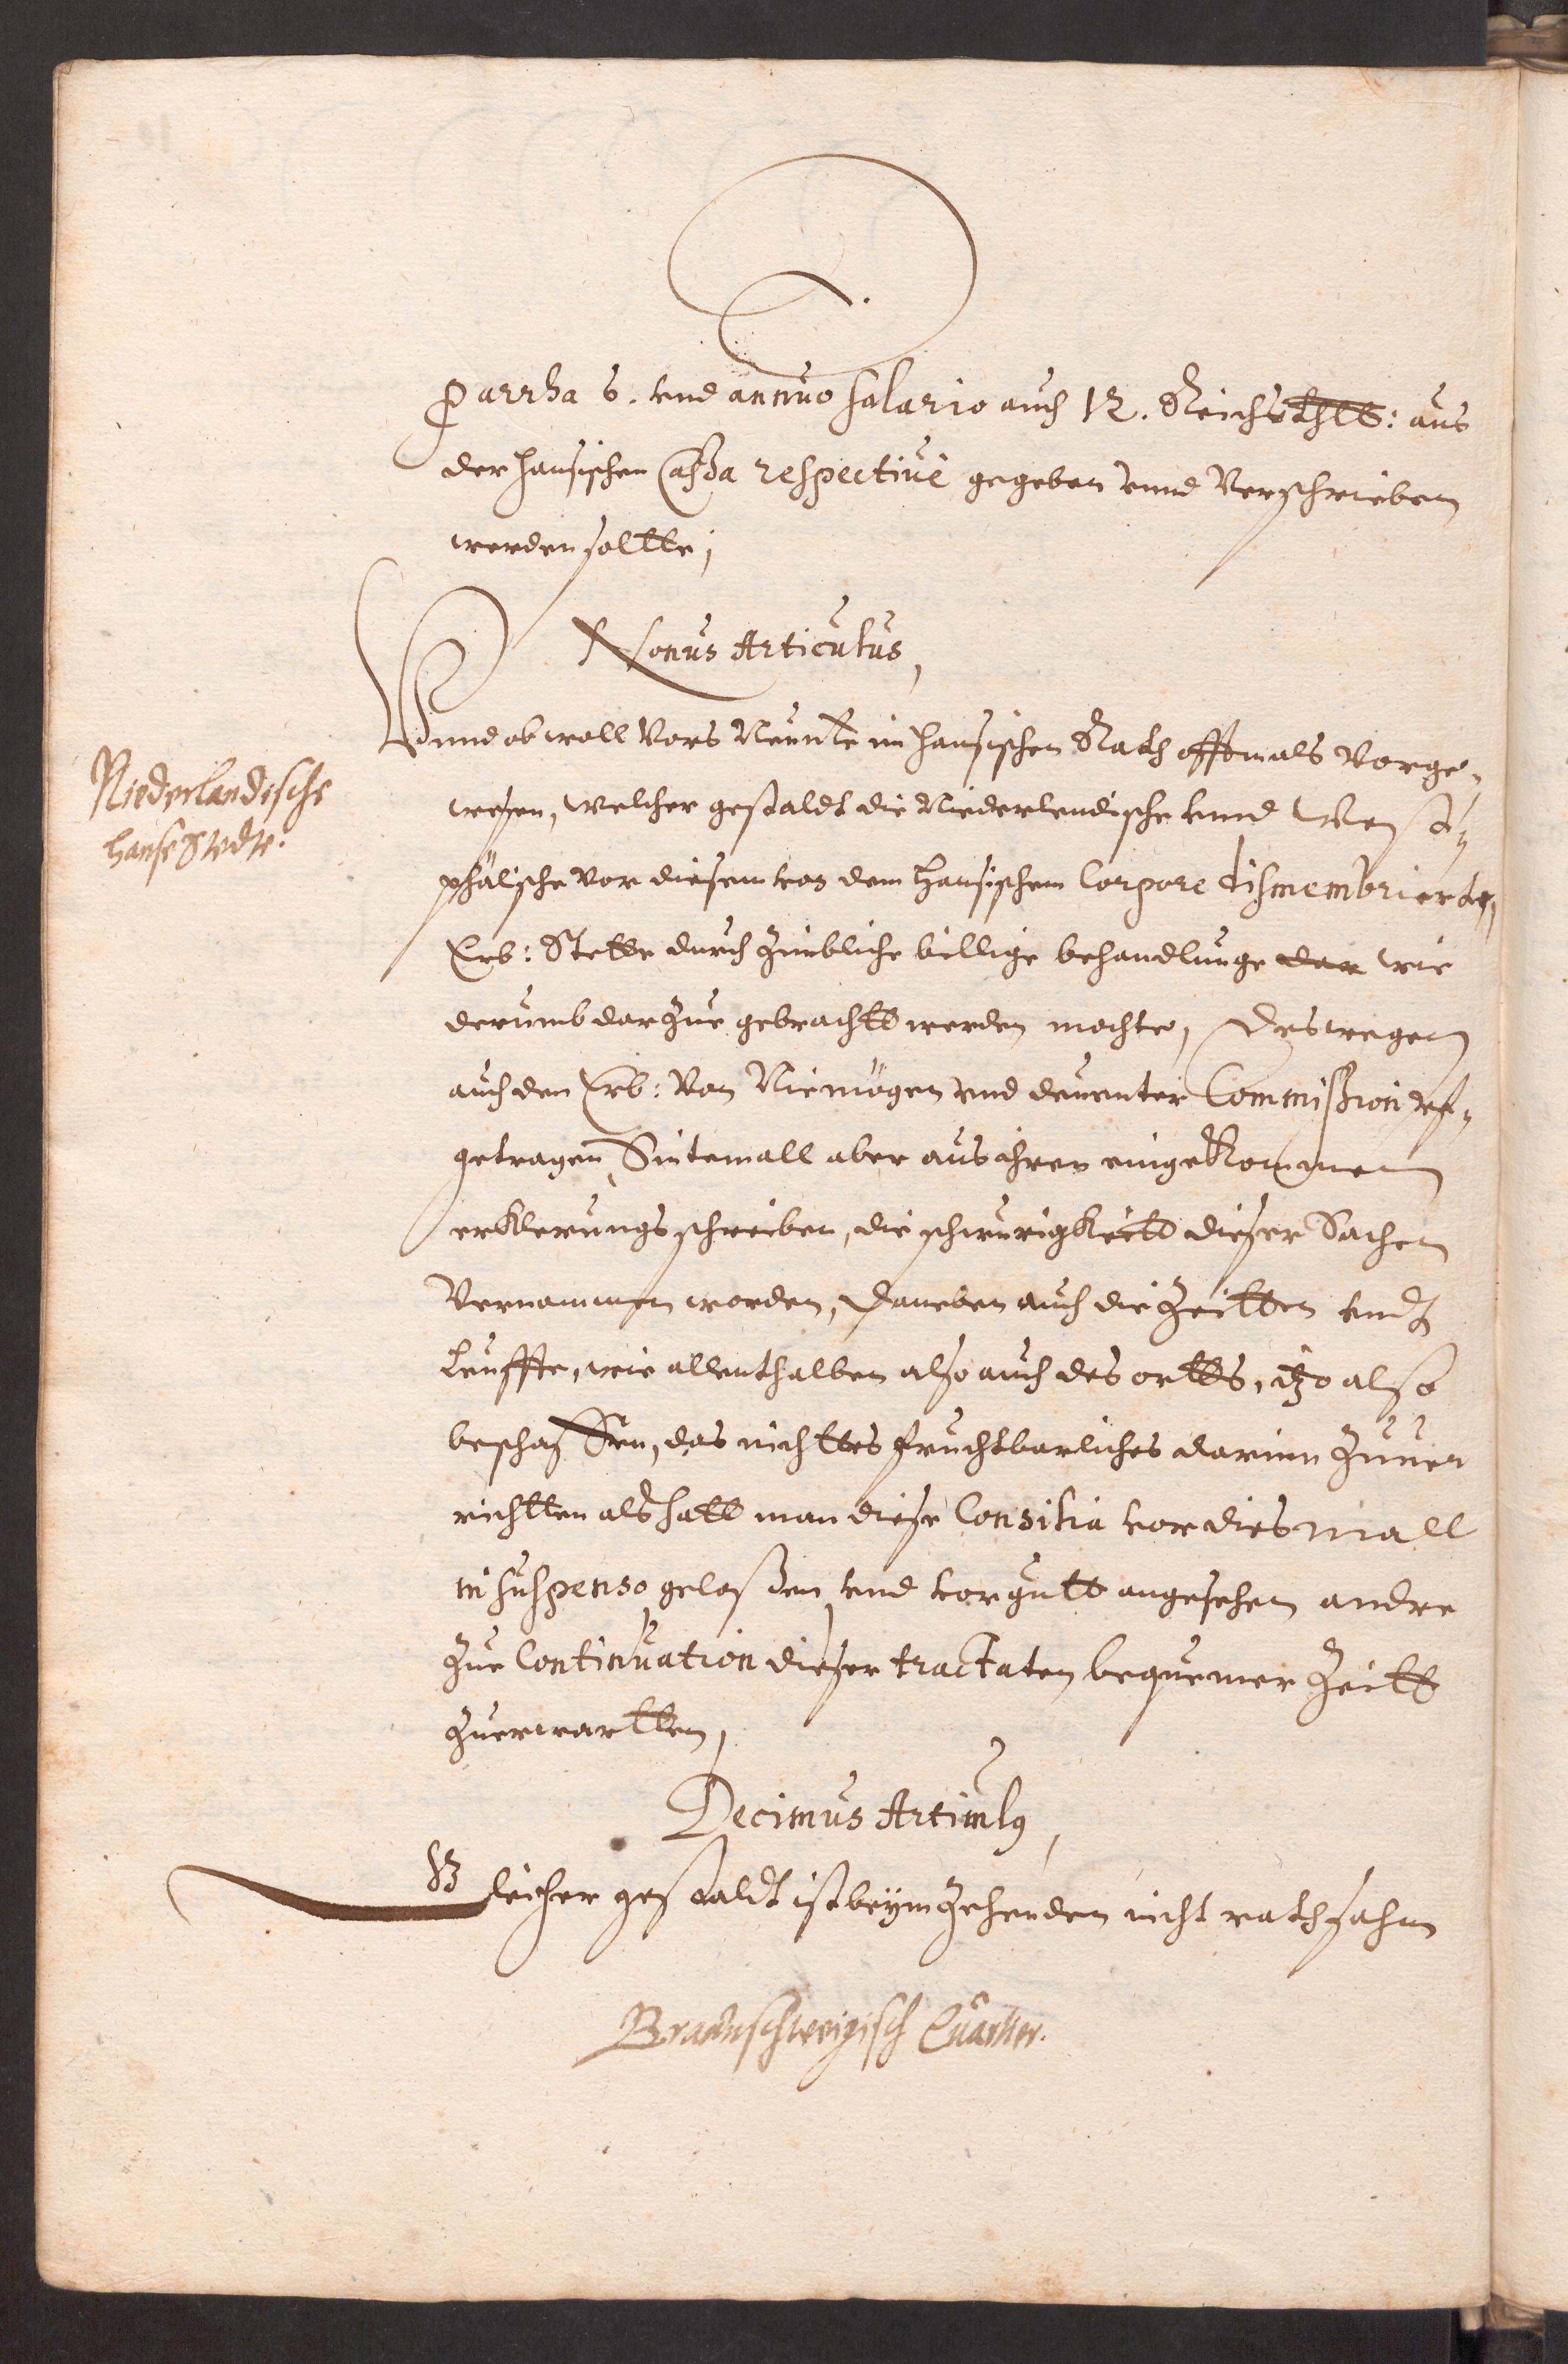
pro arrha 6. vnd annuo salario auch 12. Reichsthll: aus
der hansischen Cassa respectiue gegeben vnnd verschrieben
werden soltte,
Nonus Articulus,
Vnnd obwoll Vors Neunte im hansischen Rath offtmals vorge¬
wesen, welcher gestaldt die Niederlendische vnnd West¬
phälische vor diesem von dem Hansischen Corpore dismembrierte,
Erb: Stette durch zimbliche billige behandlunge dar wie
derumb darzue gebrachtt werden mochte, deswegen
auch den Erb: von Niemögen vnd deuenter Commission vf¬
getragen, Sintemall aber aus ihren eingekommen
erklerungs schreiben, die schwurigkeitt dieser Sachen
vernommen worden, daneben auch die zeitten vndt
Leuffte, wie allenthalben also auch des ortts, itzo also
beschaffen, das nichttes fruchtbarliches darinn zuuer
richtten als hatt man diese Consilia vor diesmall
in suspenso gelaßen, vnd vor gutt angesehen ander
zue Continuation dieser tractaten bequemer zeitt
zuerwartten,
Decimus Articulus,
Gleicher gestaldt ist beijm zehenden nicht rathsahm
Braunschweigisch Quartier.
Niederlandische
Hanse Stedte.
